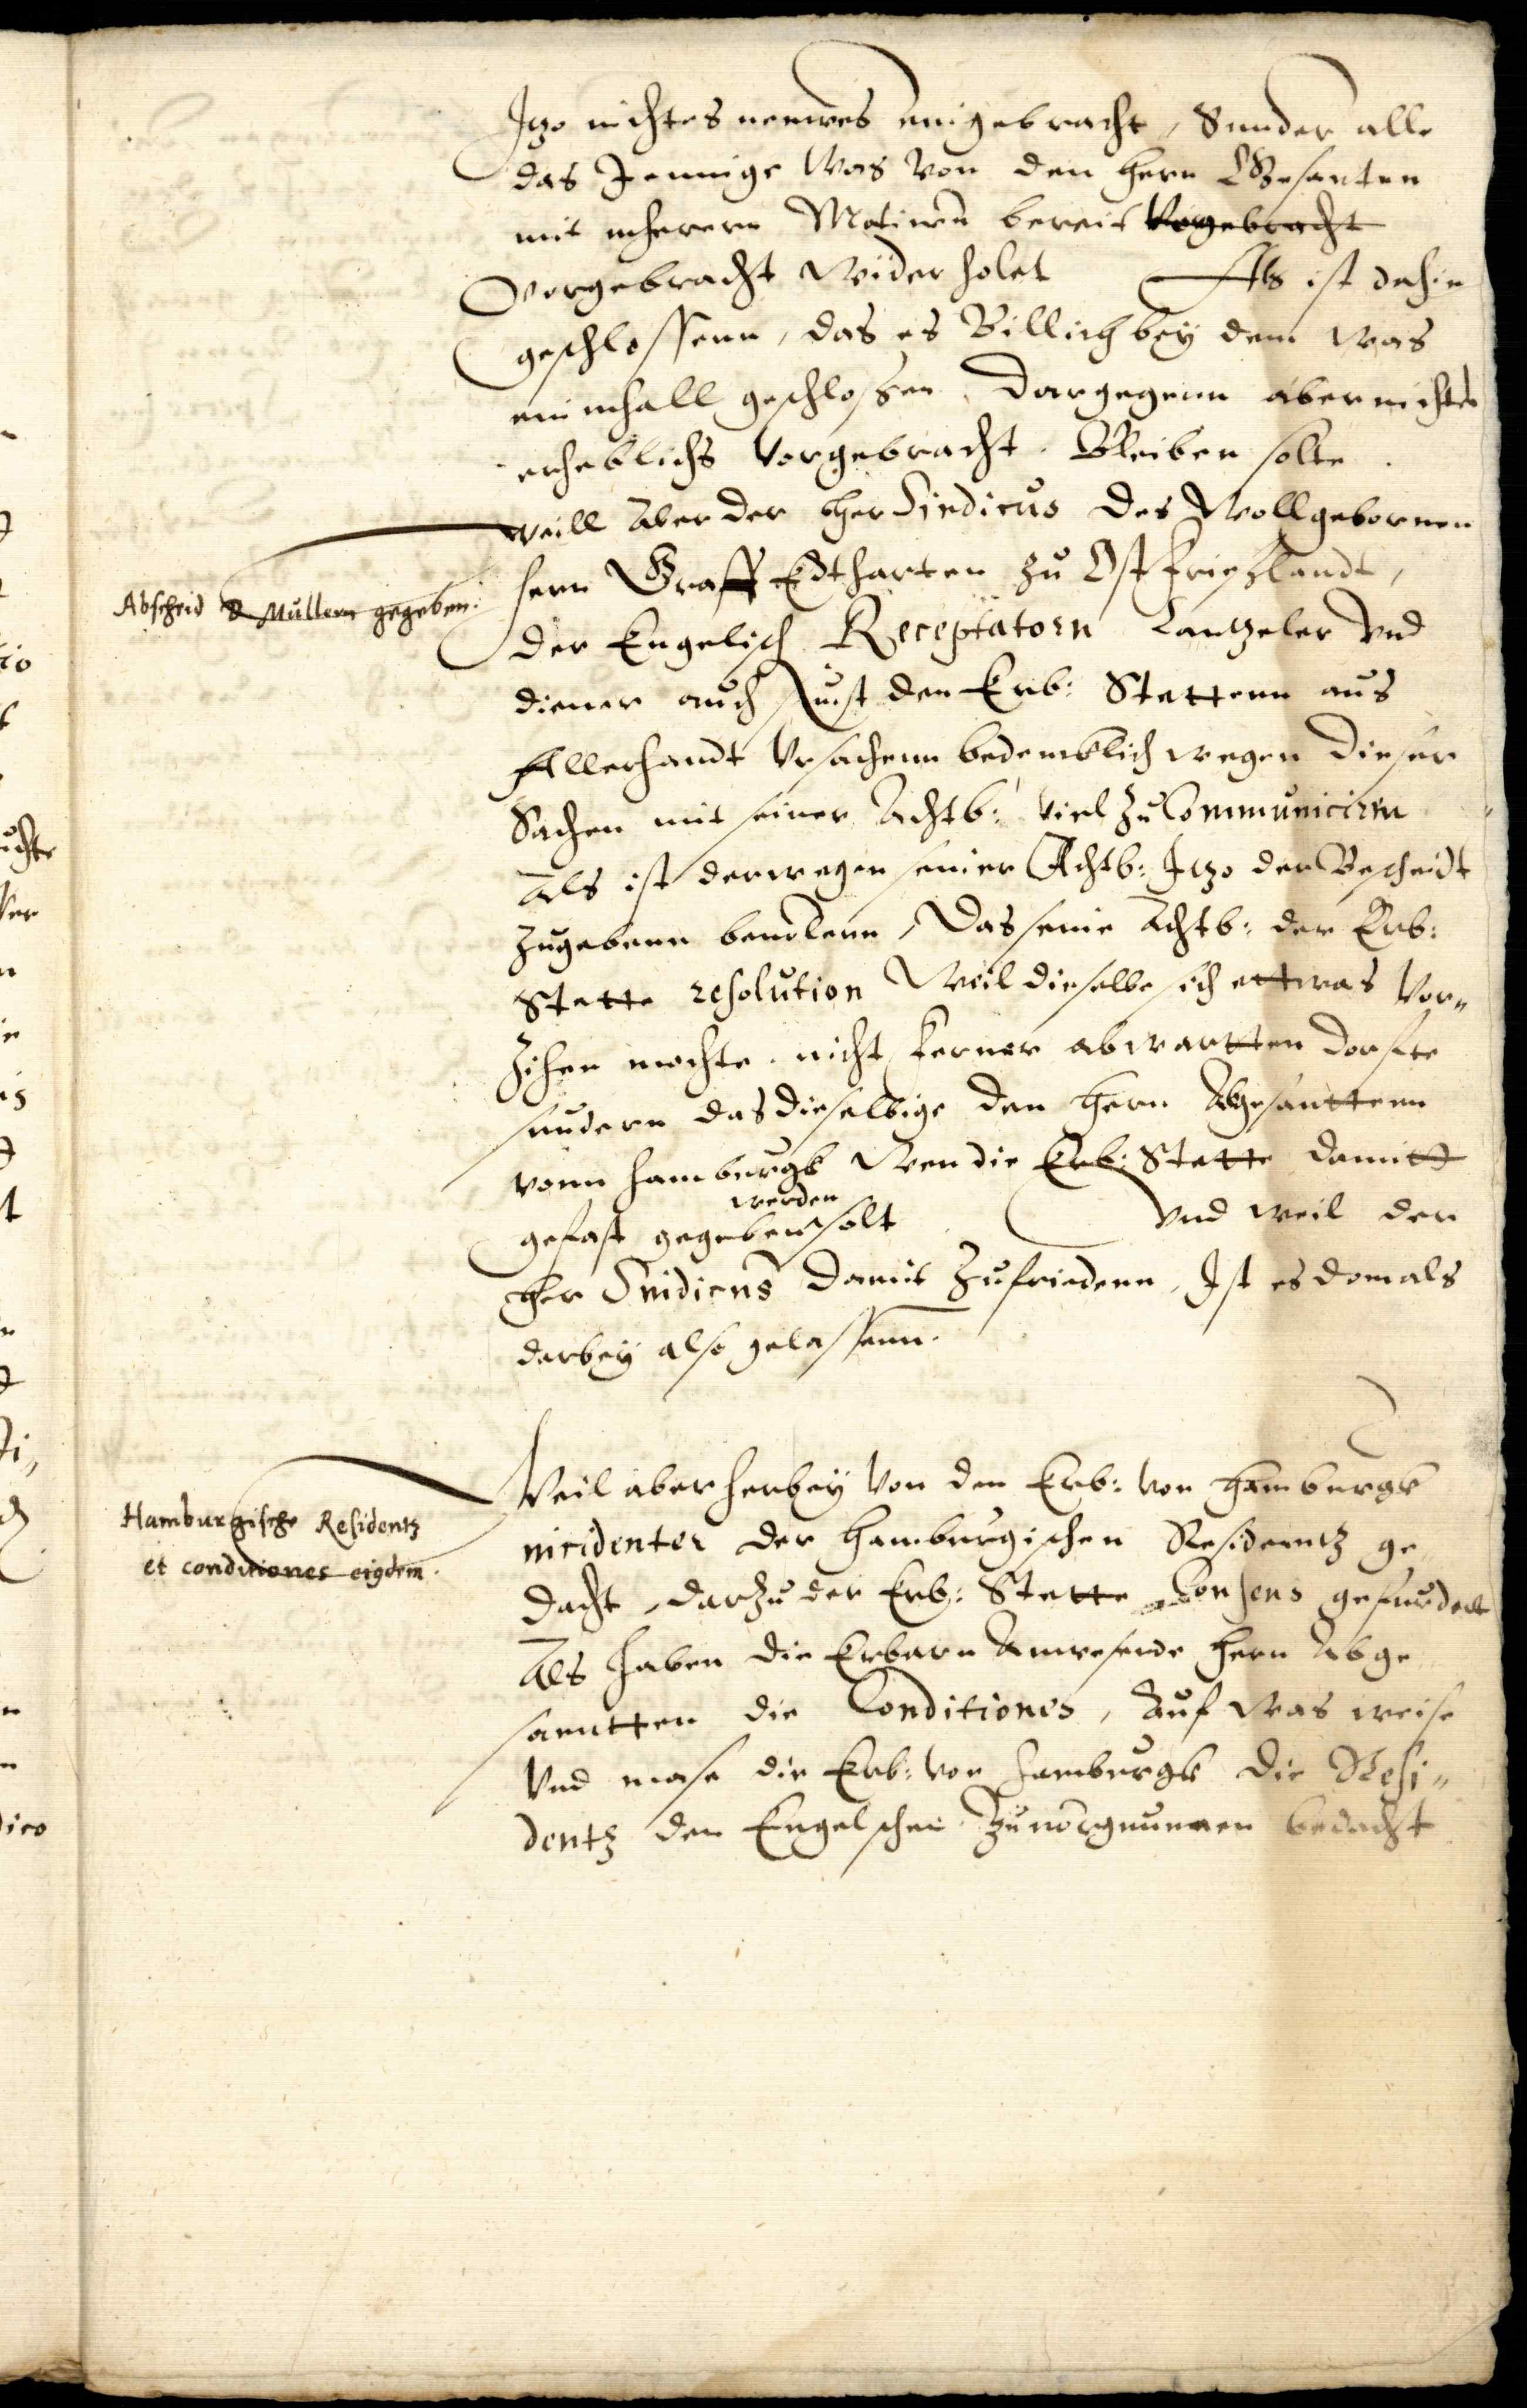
Abscheid D. Mullern gegeben.
Itzo nichtes neuwes eingebracht, Sunder alle
das Jennige was von den Hern Gesanten
mit mherenn Motiuen bereit vogebracht
Vorgebracht Wider holet Als ist dahin
geschlossenn, das es Billich beij dem was
ein mhall geschloßen, Dargegenn aber nichtes
erheblichs vorgebracht, Bleiben sollte
weill Aber der Her Sindicus des Wollgebornen
hern Graff Edtharten zu Ostfrießlandt,
der Engelischen Receptatorn Cantzeler Vnd
diener auch sunst den Erb: Stettenn aus
Allerhandt Vrsachenn bedencklich wegen dieser
Sachen mit seiner Achtb: viel zu Communiciren
Als ist derwegen seiner Achtb: Jtzo der Bescheidt
zugebenn beuolenn, Das seine Achtb: der Erb:
Stette resolution Weil dieselbe sich ettwas vor¬
zihen mochte, nicht Ferner abzuwartten dorfte
sundern das dieselbige den Hern Abgesanttenn
vonn hamburgk wen die Erb: Stette damitt
gefast gegebenn werden solt Vnd weil der
Her Sindicus damit zufriedenn, Ist es domals
darbeij also gelassenn.
Hamburgische Residentz
et conditiones eiusdem.
Weil aber herbeij von den Erb: von Hamburgk
incidenter der Hamburgischen Residentz ge
dacht, darzu der Erb: Stette Consens gefurdertt
Als haben die Erbarn Anwesende Hern Abge¬
sanntten die Conditiones, Auf was weise
Vnd mase die Erb: von hamburgk die Resi¬
dentz den Engelschen zuuorgunnnen bedacht
